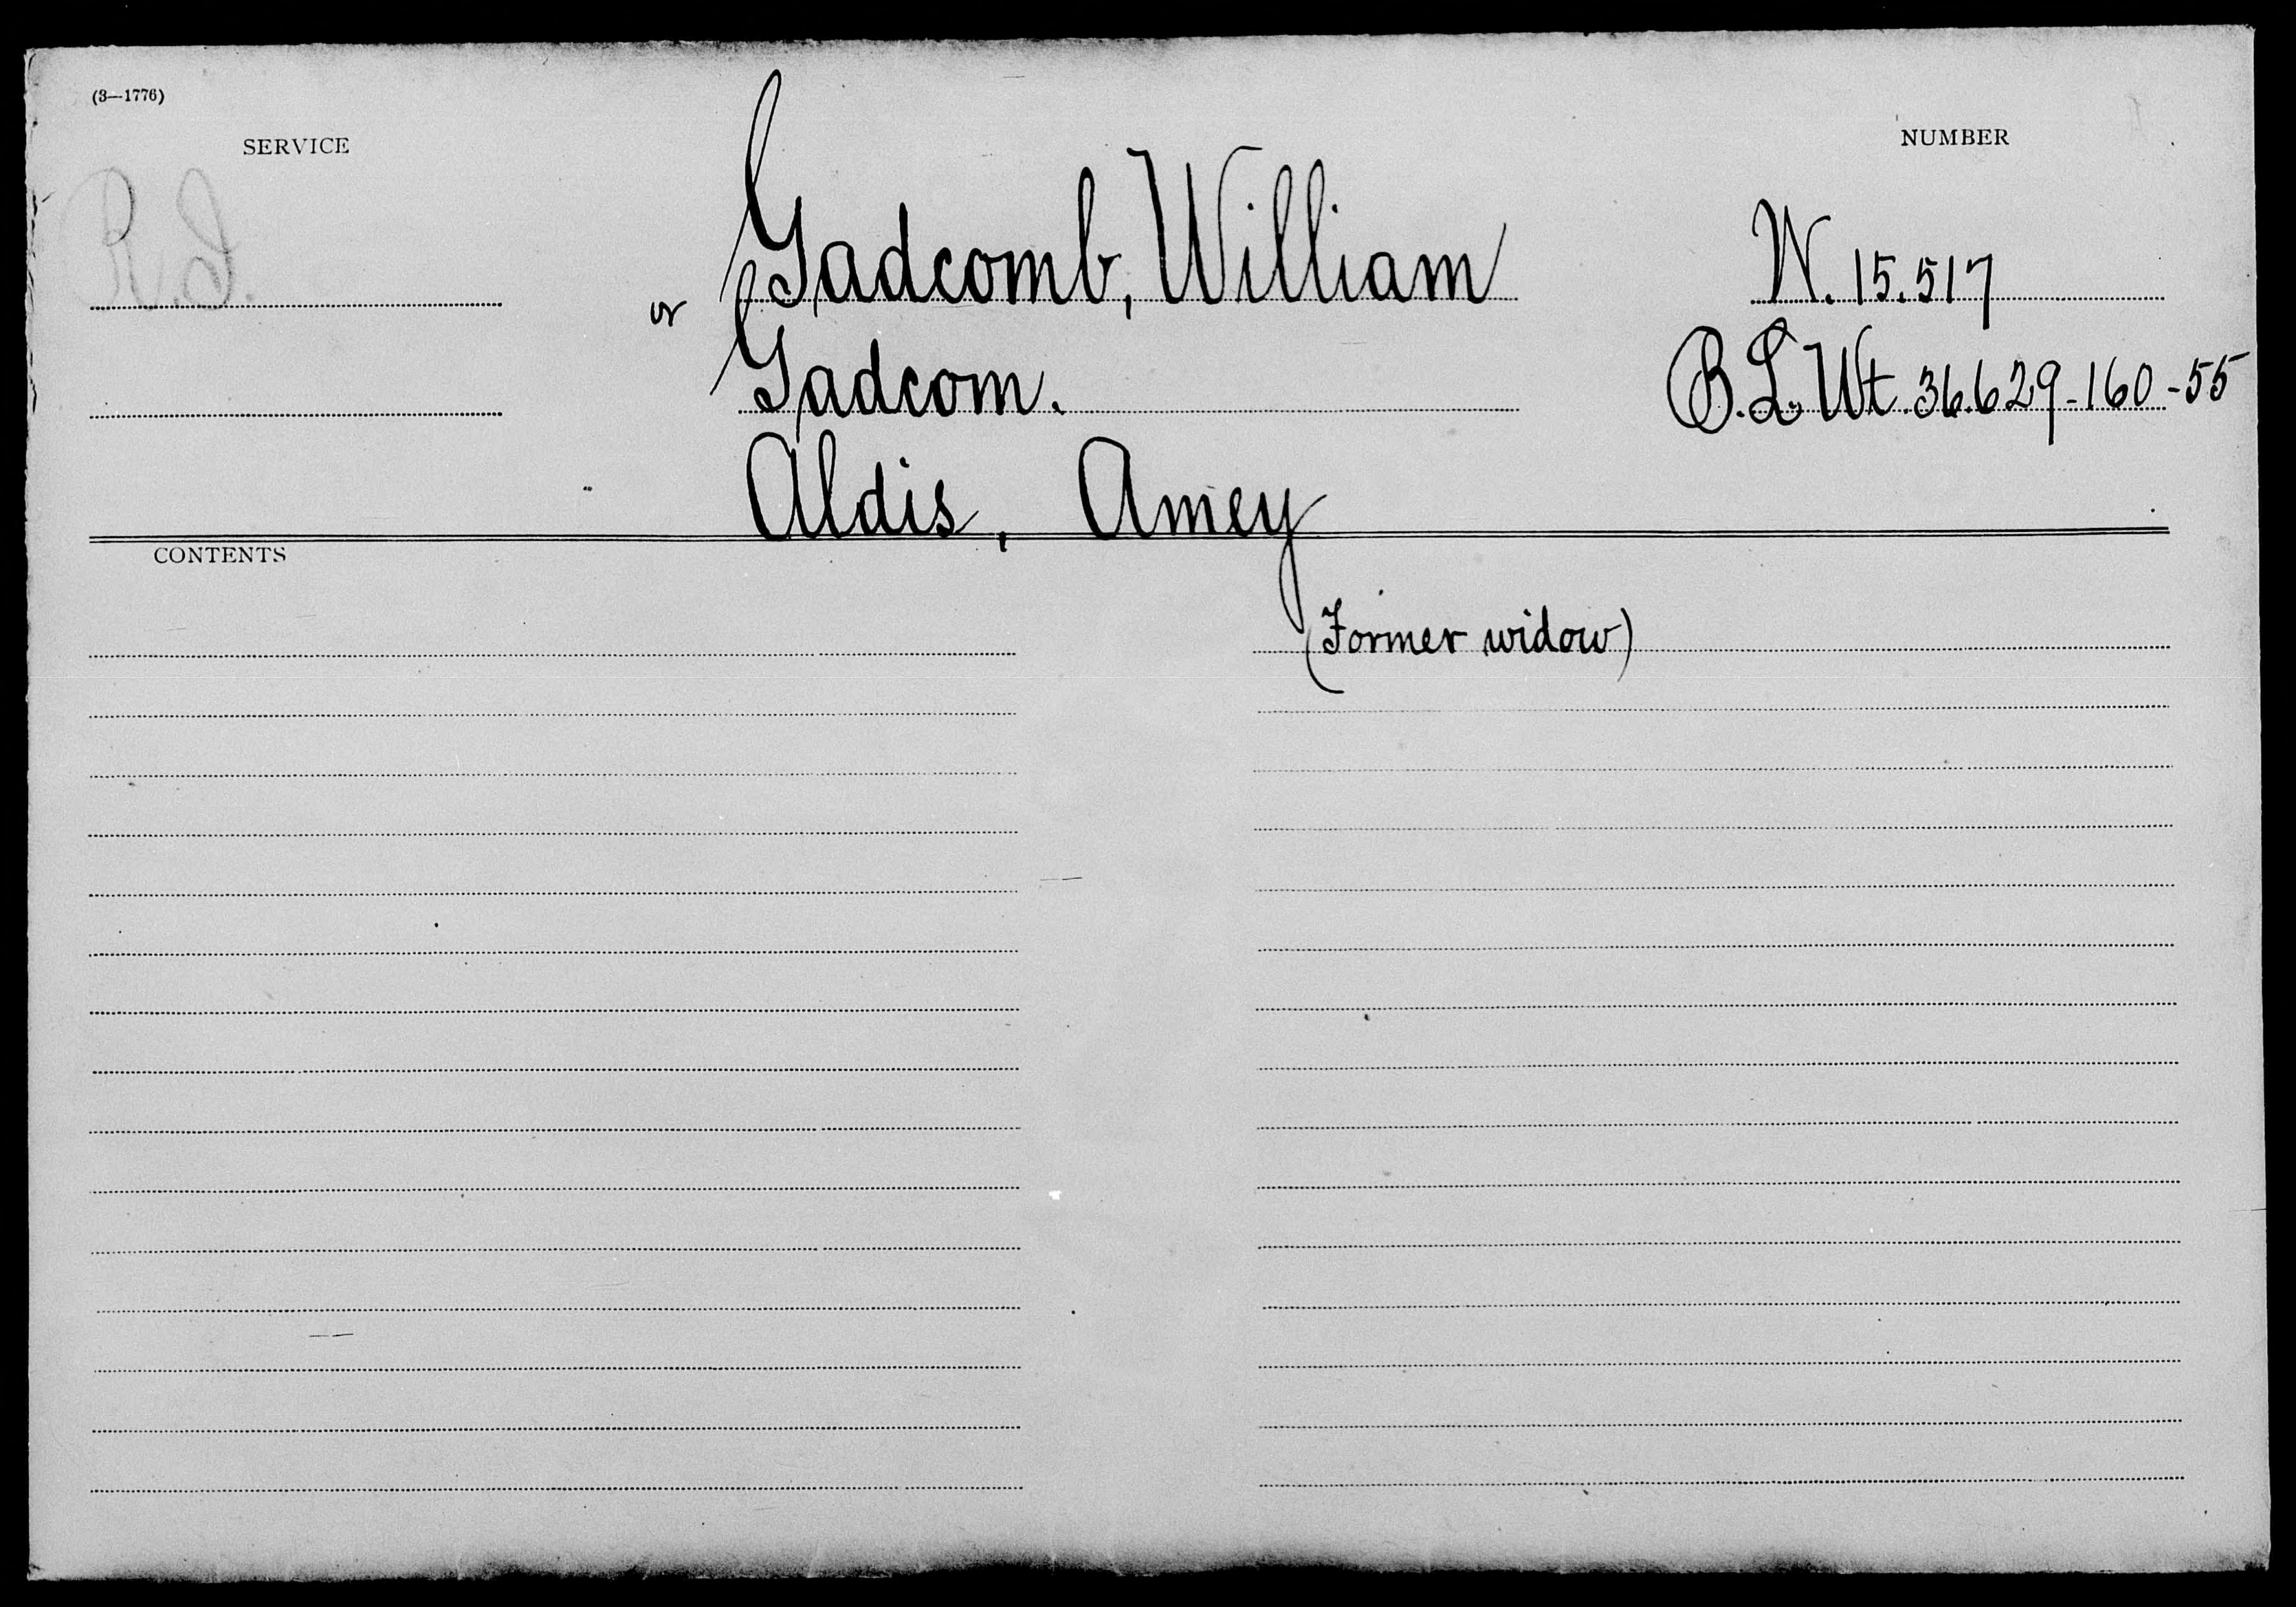(3 - 1776 )
SERVICE
R. I. 
Gadcomb, William
Gadcom.
Aldis, Amey
NUMBER
W. 15.517
B.L. Wt 36629-160-55
CONTENTS
(Former widow)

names: William Gadcom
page: 1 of 76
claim: widow's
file: W. 15,517, William Gadcomb, R.I.